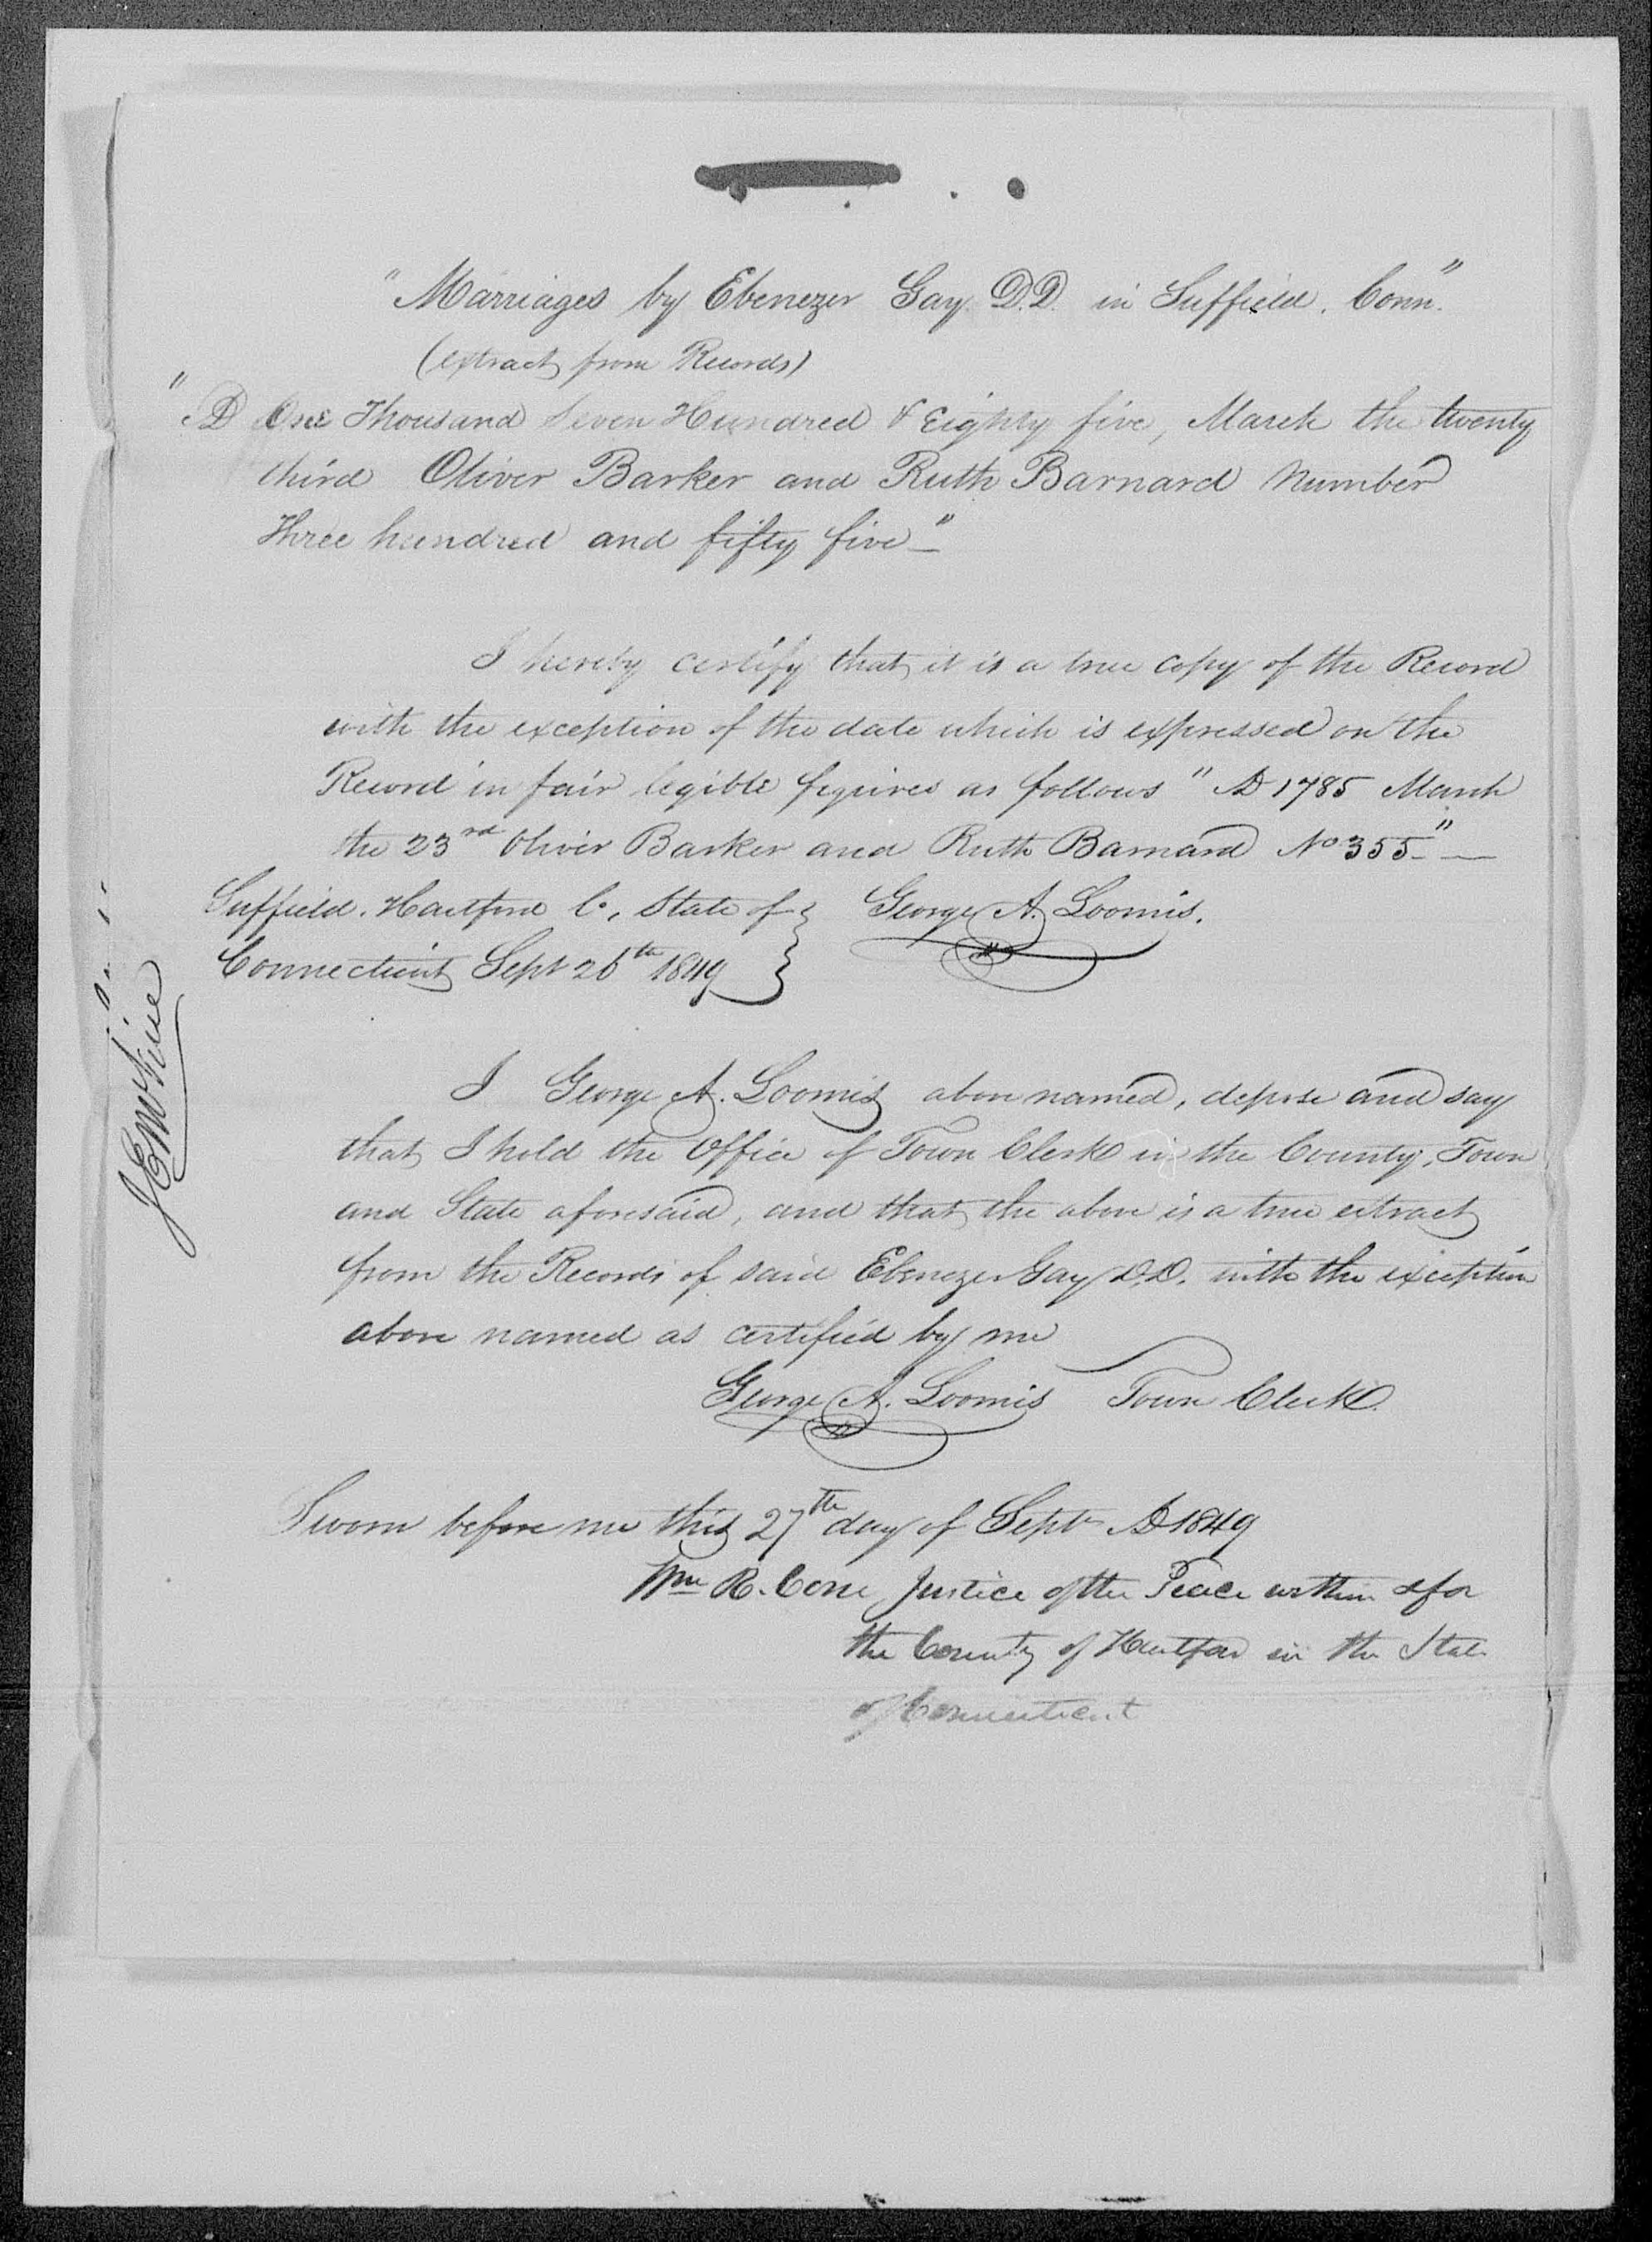“Marriages by Ebenezer Gay D.D. in Suffield, Conn.” 
(extract from Records) 
“AD One Thousand Seven Hundred & Eighty five, March the twenty third Oliver Barker and Ruth Barnard Number Three hundred and fifty five”  
I hereby certify that it is a true copy of the Record with the exception of the date which is expressed on the Record in fair legible figures as follows "AD 1785 March the 23rd Oliver Barker and Ruth Barnard No 355” 
George A. Loomis
J. E. McVine
Suffield, Hartford Co. State of Connecticut Sept 26th 1819} 
I George A. Loomis above named, depose and say that I hold the office of Town Clerk in the County, Town and State aforesaid, and that the above is a true extract from the Records of said Ebenezer Gay D.D. with the exception above named as certified by me 
George A. Loomis Town Clerk 
Sworn before me this 27th day of Sept AD 1849 
Wm R. Cone Justice of the Peace within & for the County of Hartford in the State of Connecticut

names: Oliver Barker, Ruth Barnard, Ebenezer Gay, Ebenezer Gay, Wm R Cone, George A Loomis, J E Mc Vine, George A Loomis, George A Loomis, Oliver Barker, Ruth Barnard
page: 18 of 51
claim: widow's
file: W. 1698, Oliver Barker, Conn.